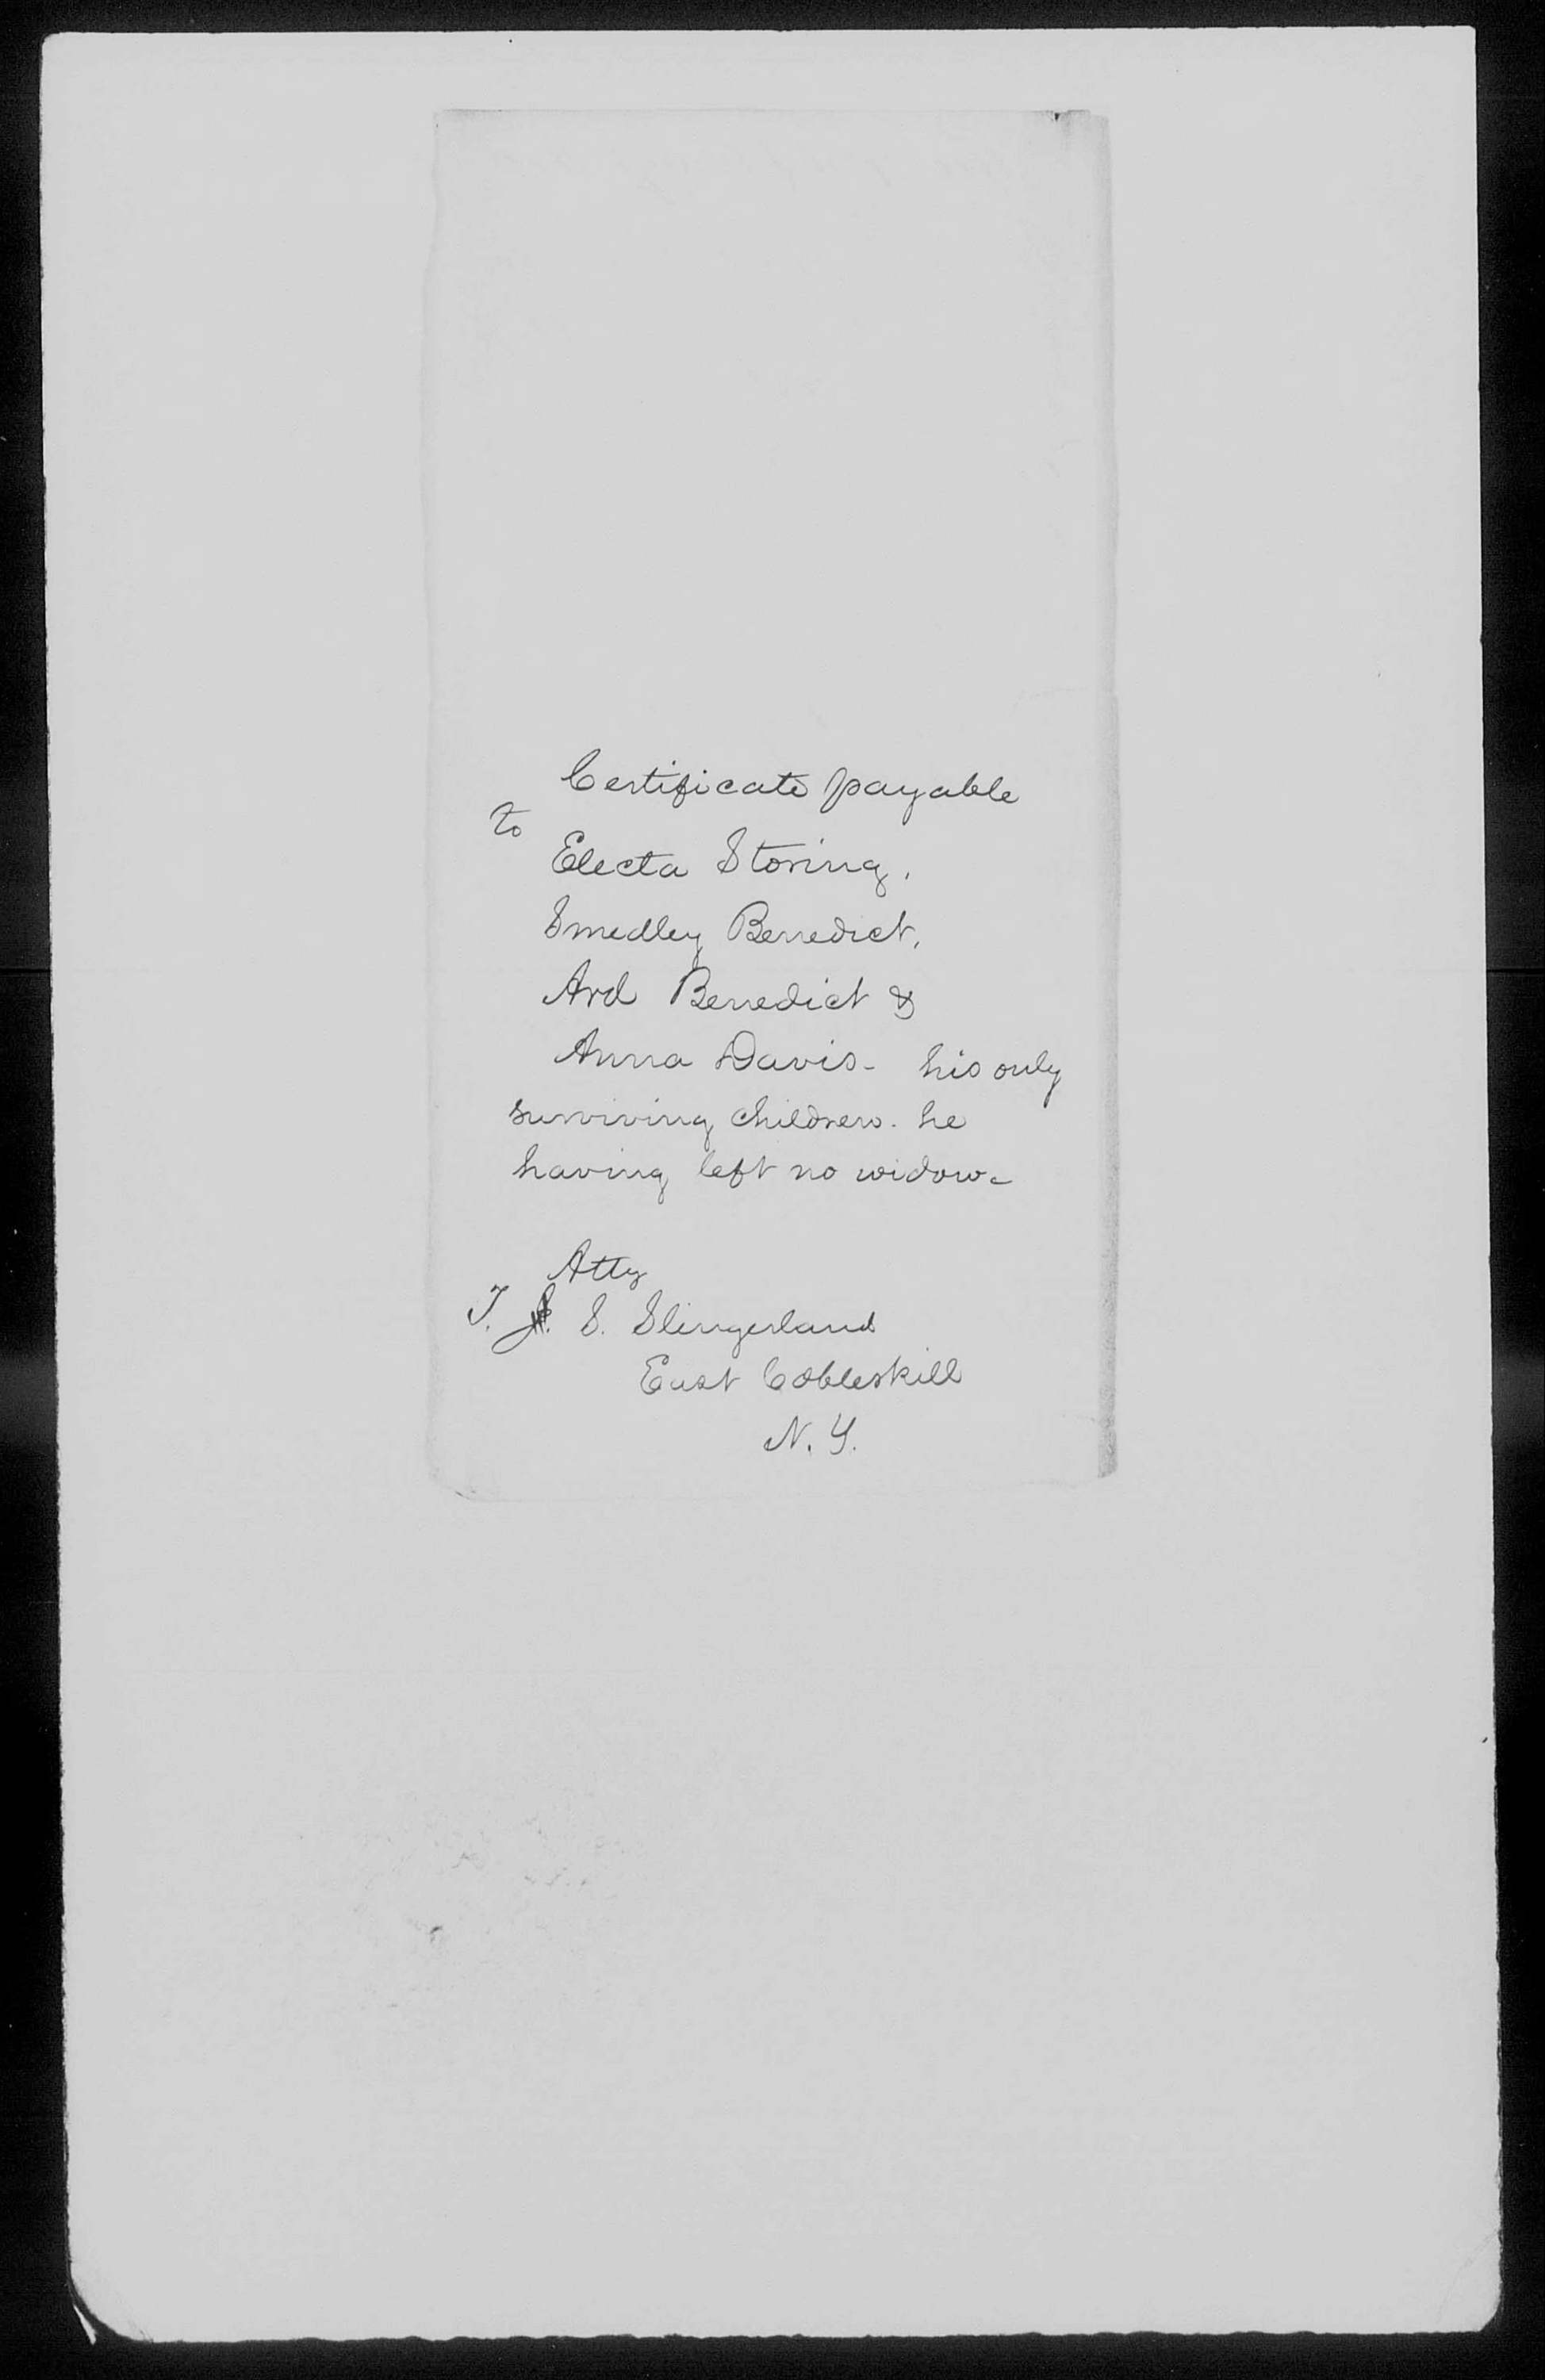Certificate payable to
Electa Storing,
Smedley Benedict,
Ard Benedict &
Anna Davis - his only surviving children, he having left no widow.

Atty
J. [illegible, crossed out] S. Slingerland
East Cobleskill
N. Y.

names: Anna Davis, Smedley Benedict, Ard Benedict, T S Slingerland, Electa Storing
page: 19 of 106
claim: survivor's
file: S 23,116., Joshua Benedict, Conn.